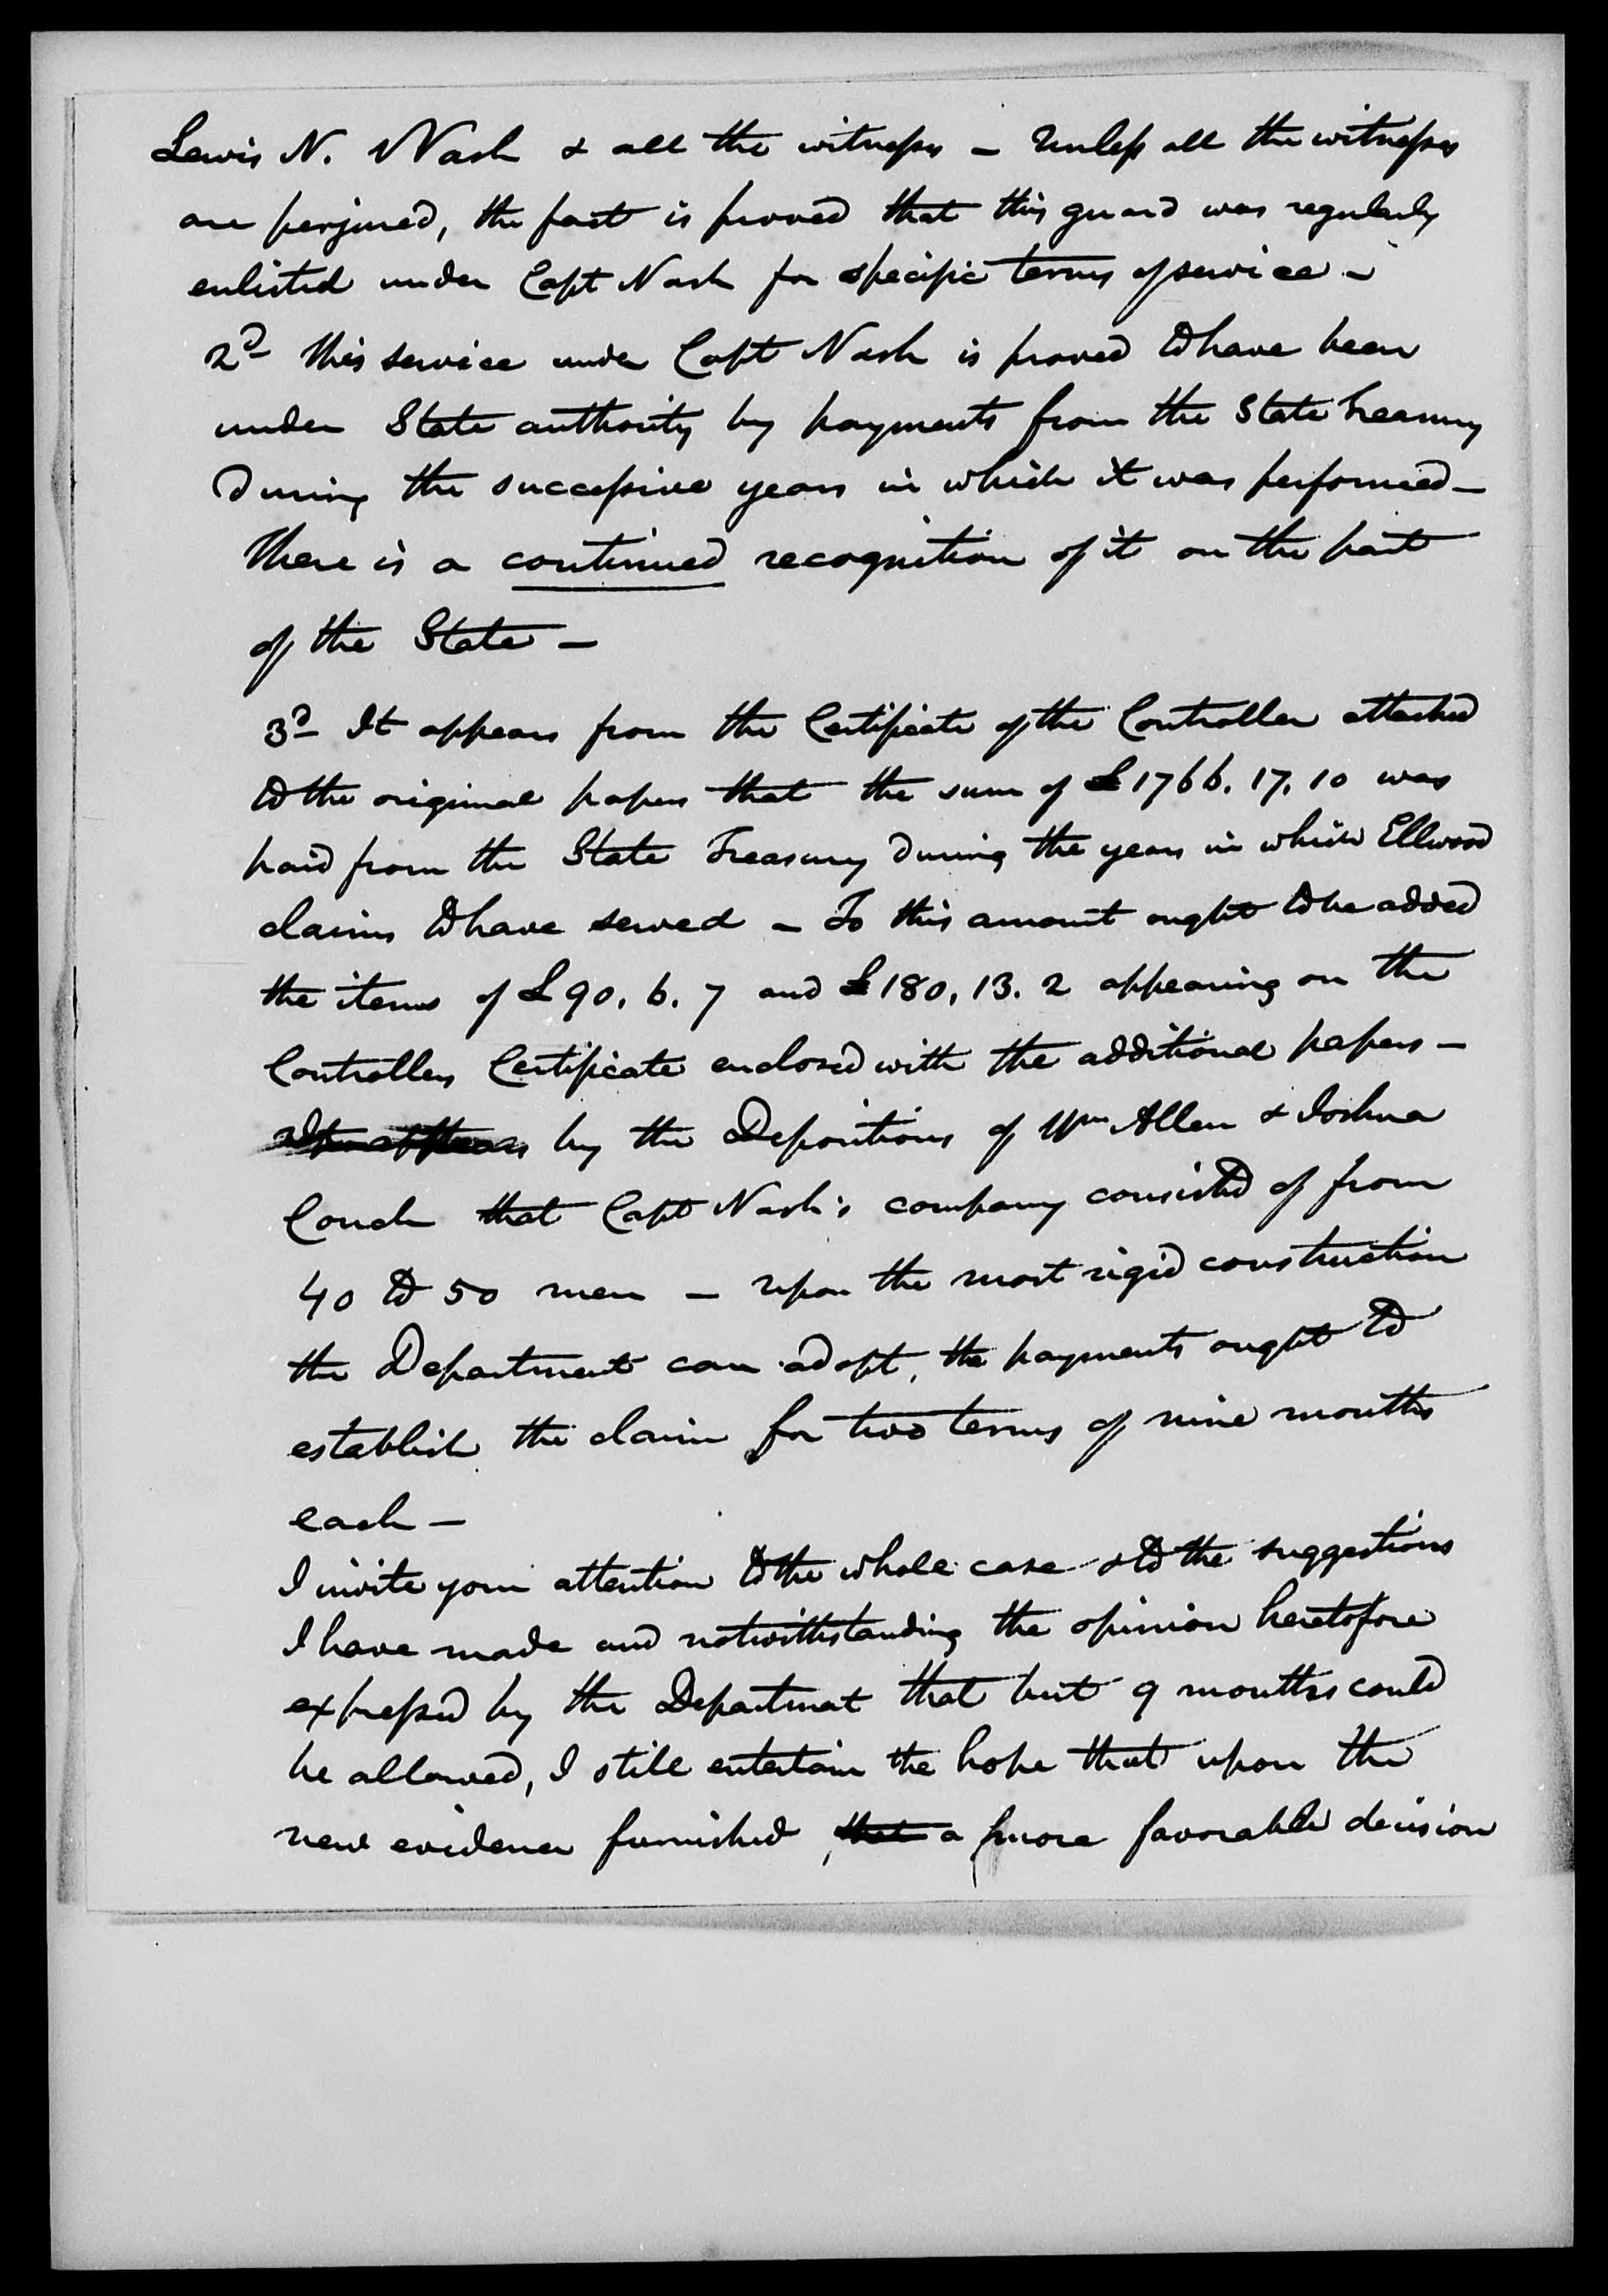Lewis N. Nash & all the witnesses- unless all the witnesses are perjured, the fact os proved that this guard was regularly enlisted under Capt Nash for specific terms of service-
2. this service under Capt Nash is proved & have been under State authority by payments from the State Treasury during the successive years in which it was performed- there is a continued recognition of it on the part of the State-
3d It appears from the certificate of the Controller attached to the original papers that the sum of $1766.17.10 was paid from the State Treasury during the year in which Ellwood claims & have served- To this amount out to be added the items of $90.67 and $180.13.2 appearing on the controllers certificate endorsed with the additional papers- bt the depositions of Wm Allen & Joshua Couch that Capt Nash's company committed of from 40 to 50 men- upon the most rigid construction the Department can adopt the payments ought to establish the claim for two terms of nine months each-
I invite your attention to the whole case & to the suggestions I have made and notwithstanding the opinion heretofore [unk] by the Department that but 9 months could be allowed, I still entertain the hope that upon the new evidence furnished a more favorable decision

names: Joshua Couch, Ellwood, Lewis N Nash, Nash, Nash, Wm Allen, Nash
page: 43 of 69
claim: widow's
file: W. 25562, Abijah Elwood, Conn.